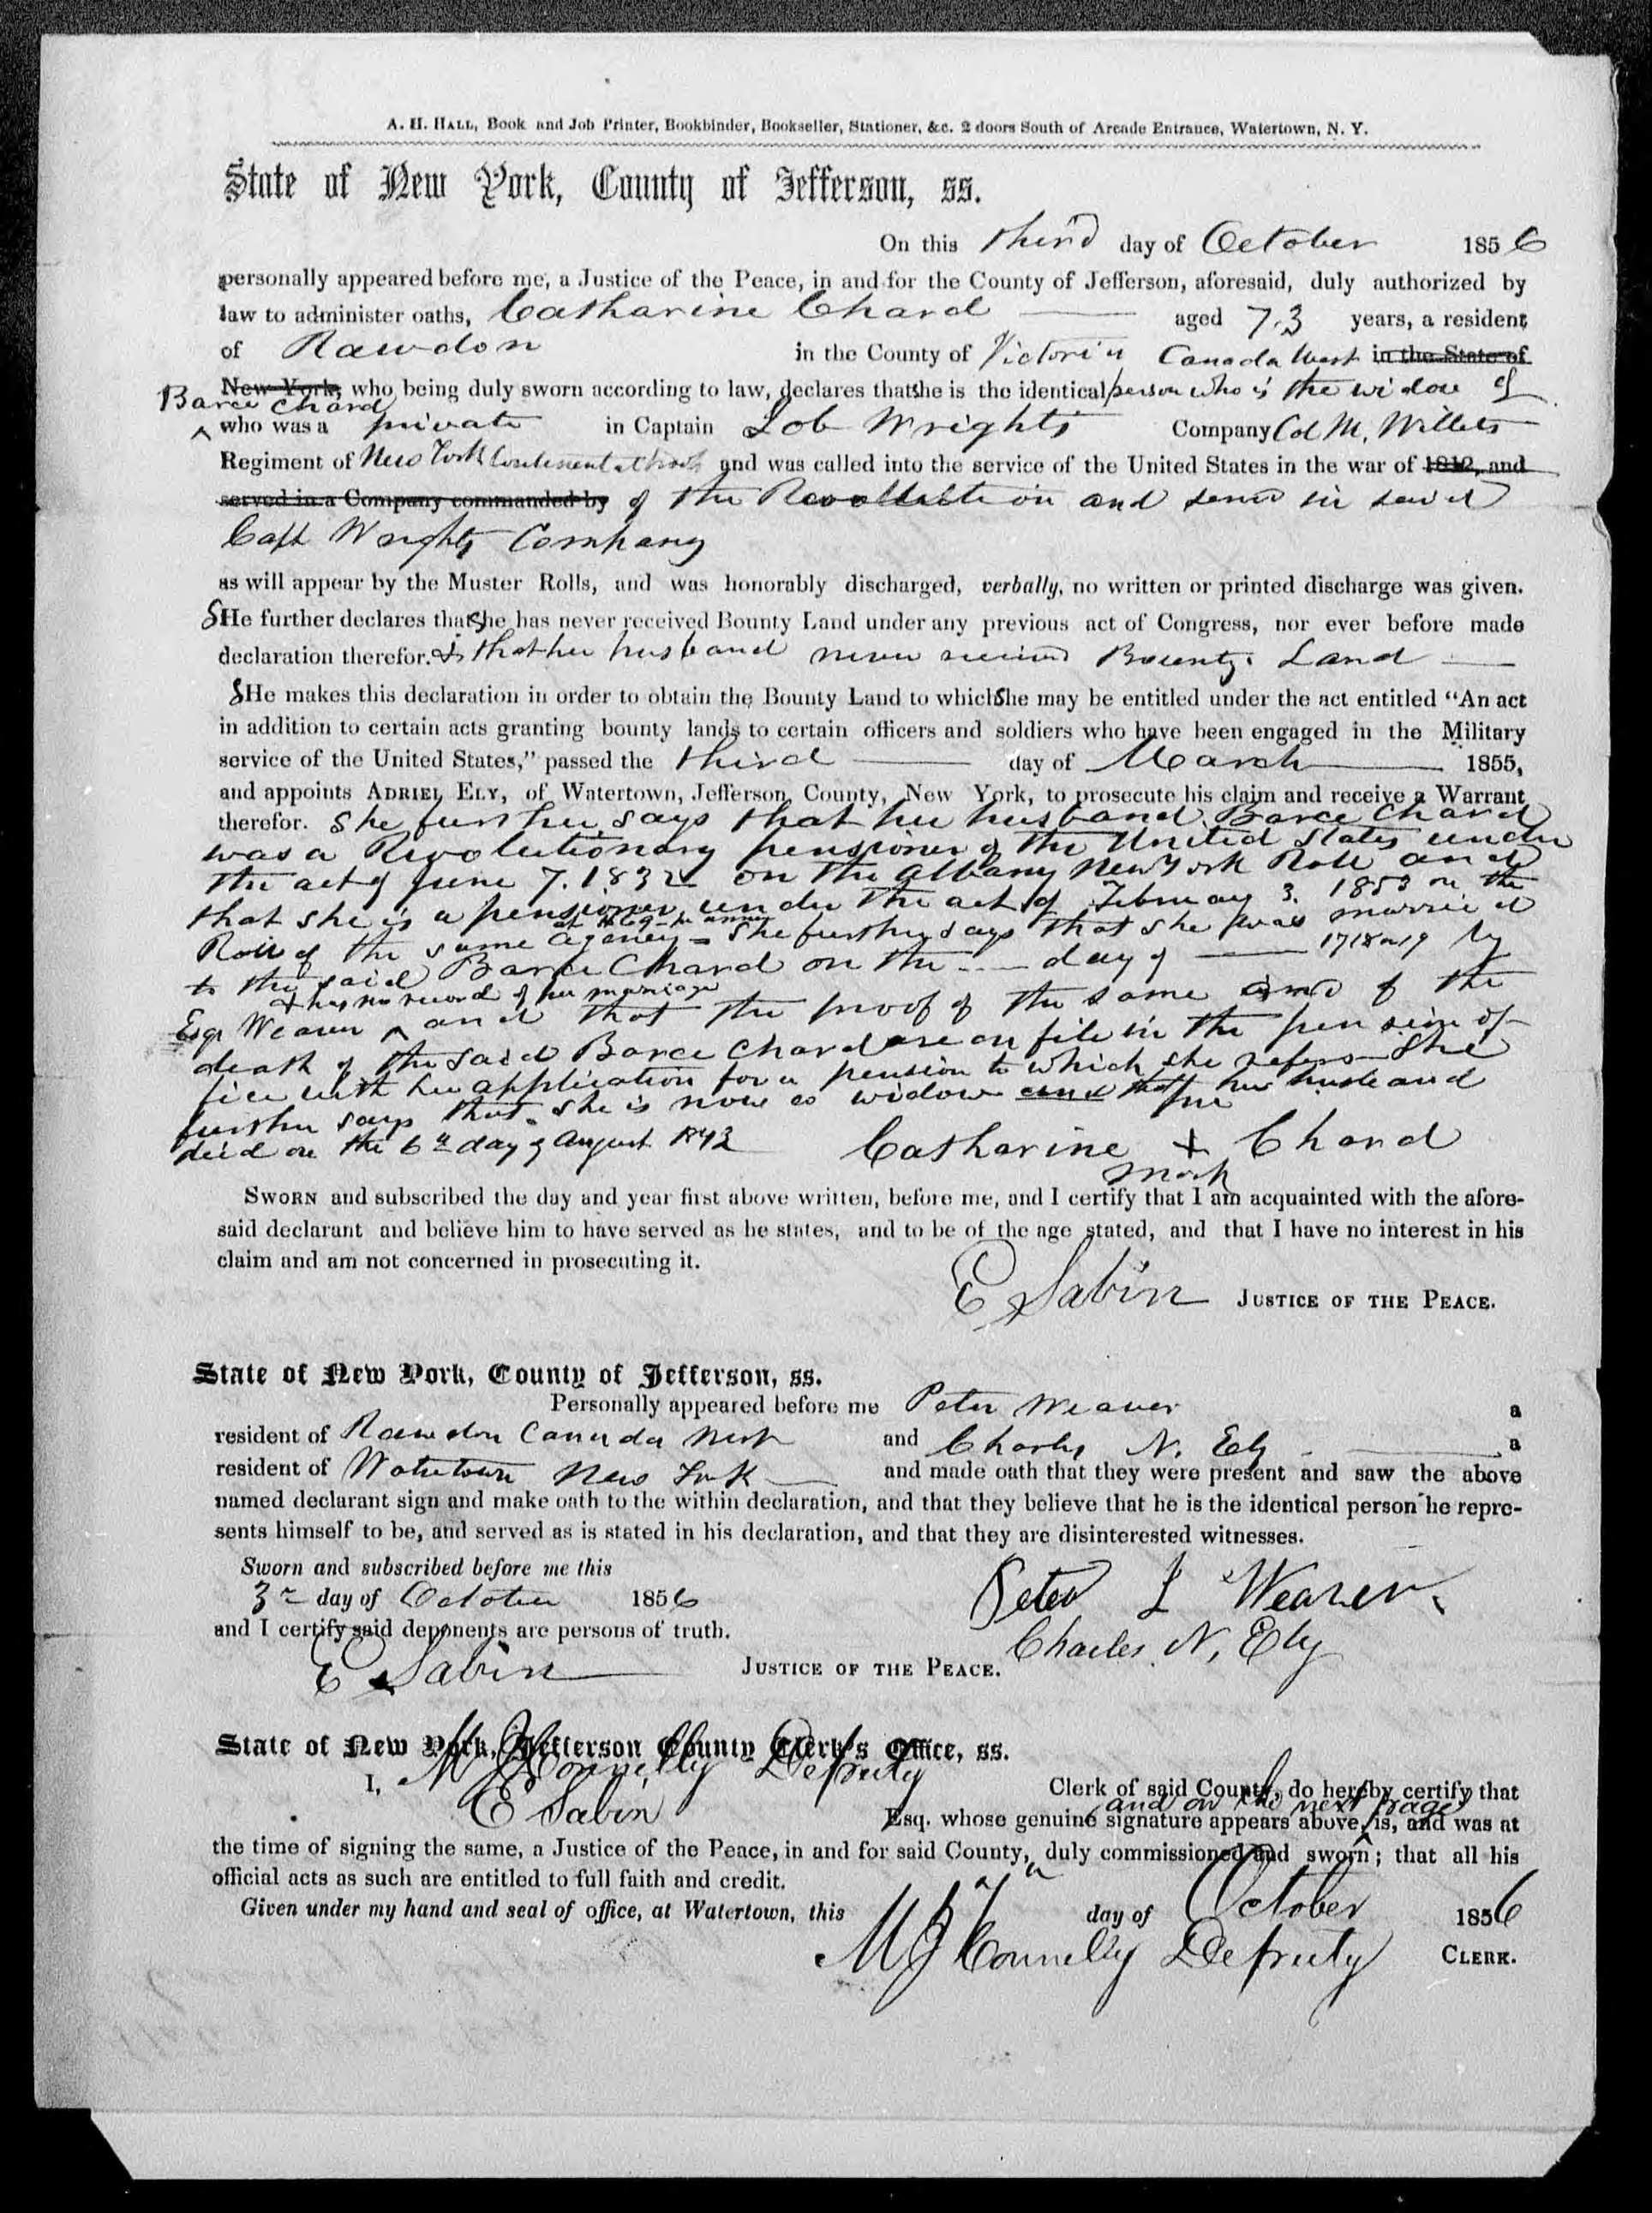A. H. HALL, Book and Job Printer, Bookbinder, Bookseller, Stationer, &c. 2 doors South of Arcade Entrance, Watertown, N. Y. 

State of New York, County of Jefferson, ss.
On this third day of October 1856 personally appeared before me, a Justice of the Peace, in and for the County of Jefferson, aforesaid, duly authorized by law to administer oaths, Catharine Chard aged 73 years, a resident  of Rawdon in the County of Victoria Canada West, who being duly sworn according to law, declares that she is the identical person who is the widow of Barce Chard who was a private in Captain Job Wright's Company Col. M. Willets Regiment of New York Continental troops and was called into the service of the United States in the war of the Revolution and served in said Capt Wrights Company as will appear by the Muster Rolls, and was honorably discharged, verbally, no written or printed discharge was given. 
She further declares that she has never received Bounty Land under any previous act of Congress, nor ever before made declaration therefor & that her husband never received Bounty Land.
She makes this declaration in order to obtain the Bounty Land to which she may be entitled under the act entitled "An act in addition to certain acts granting bounty land to certain officers and soldiers who have been engaged in the Military service of the United States," passed the third day of March 1855, and appoints ADRIEL ELY, of Watertown, Jefferson County, New York, to prosecute his [her] claim and receive a Warrant therefor. She further says that her husband Barce Chard was a Revolutionary pensioner of the United States under the act of June 7, 1832 on the Albany New York Roll and that she is a pensioner under the act of February 3, 1853 on the Roll of the same agency [interlineation illegible] - She further says that she was married to the said Barce Chard on the --- day of ----- 1718 or 19 [??] by Esqr Weaver & has no record of her marriage and that the proof of the same and of the death of the said Barce Chard are on file in the pension office with her application for a pension to which she refers. She further says that she is now a widow and that her husband died on the 6th day of August 1843
Catharine [X her mark] Chand 
SWORN and subscribed the day and year first above written, before me, and I certify that his acquainted with the aforesaid declarant and believe him to have served as he states, and to be of the age stated, and that I have no interest in his claim and am not concerned in prosecuting it. 
[Signed] E Sabin JUSTICE OF THE PEACE. 

State of New York, County of Jefferson, ss. 
Personally appeared before me Peter Weaver a resident of Rawdon Canada West and Charles N. Ely a resident of Watertown New York and made oath that they were present and saw the above named declarant sign and make oath to the within declaration, and that they believe that he is the identical person he represents himself to be, and served as is stated in his declaration, and that they are disinterested witnesses. 
[Signed] Peter J. Weaver
[Signed] Charles N. Ely
Sworn and subscribed before me this 3d day of October 1856 and I certify said deponents are persons of truth. 
[Signed] E. Sabin JUSTICE OF THE PEACE.

State of New York, Jefferson County Clerks Office, ss. 
I M J Connelly Deputy Clerk of said Court do hereby certify that E. Sabin Esq. whose genuine signature appears above and on the next page, is, and was the time of signing the same, a Justice of the Peace, in and for said County, duly commissioned and sworn; that all his official acts as such are entitled to full faith and credit. 
Given under my hand and seal of office, at Watertown, this 17th day of October 1856
[Signed] M J Connelly Deputy Clerk.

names: E Sabin, E Sabin, Charles N Ely, Weaver, Peter Weaver, Charles N Ely, Barce Chard, Barce Chard, Barce Chard, M J Connelly, M J Connelly, E Sabin, Catharine Chard, Peter J Weaver, Barce Chard, Catharine Chard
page: 15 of 47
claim: widow's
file: W. 10,602, Barce Chard, New York.